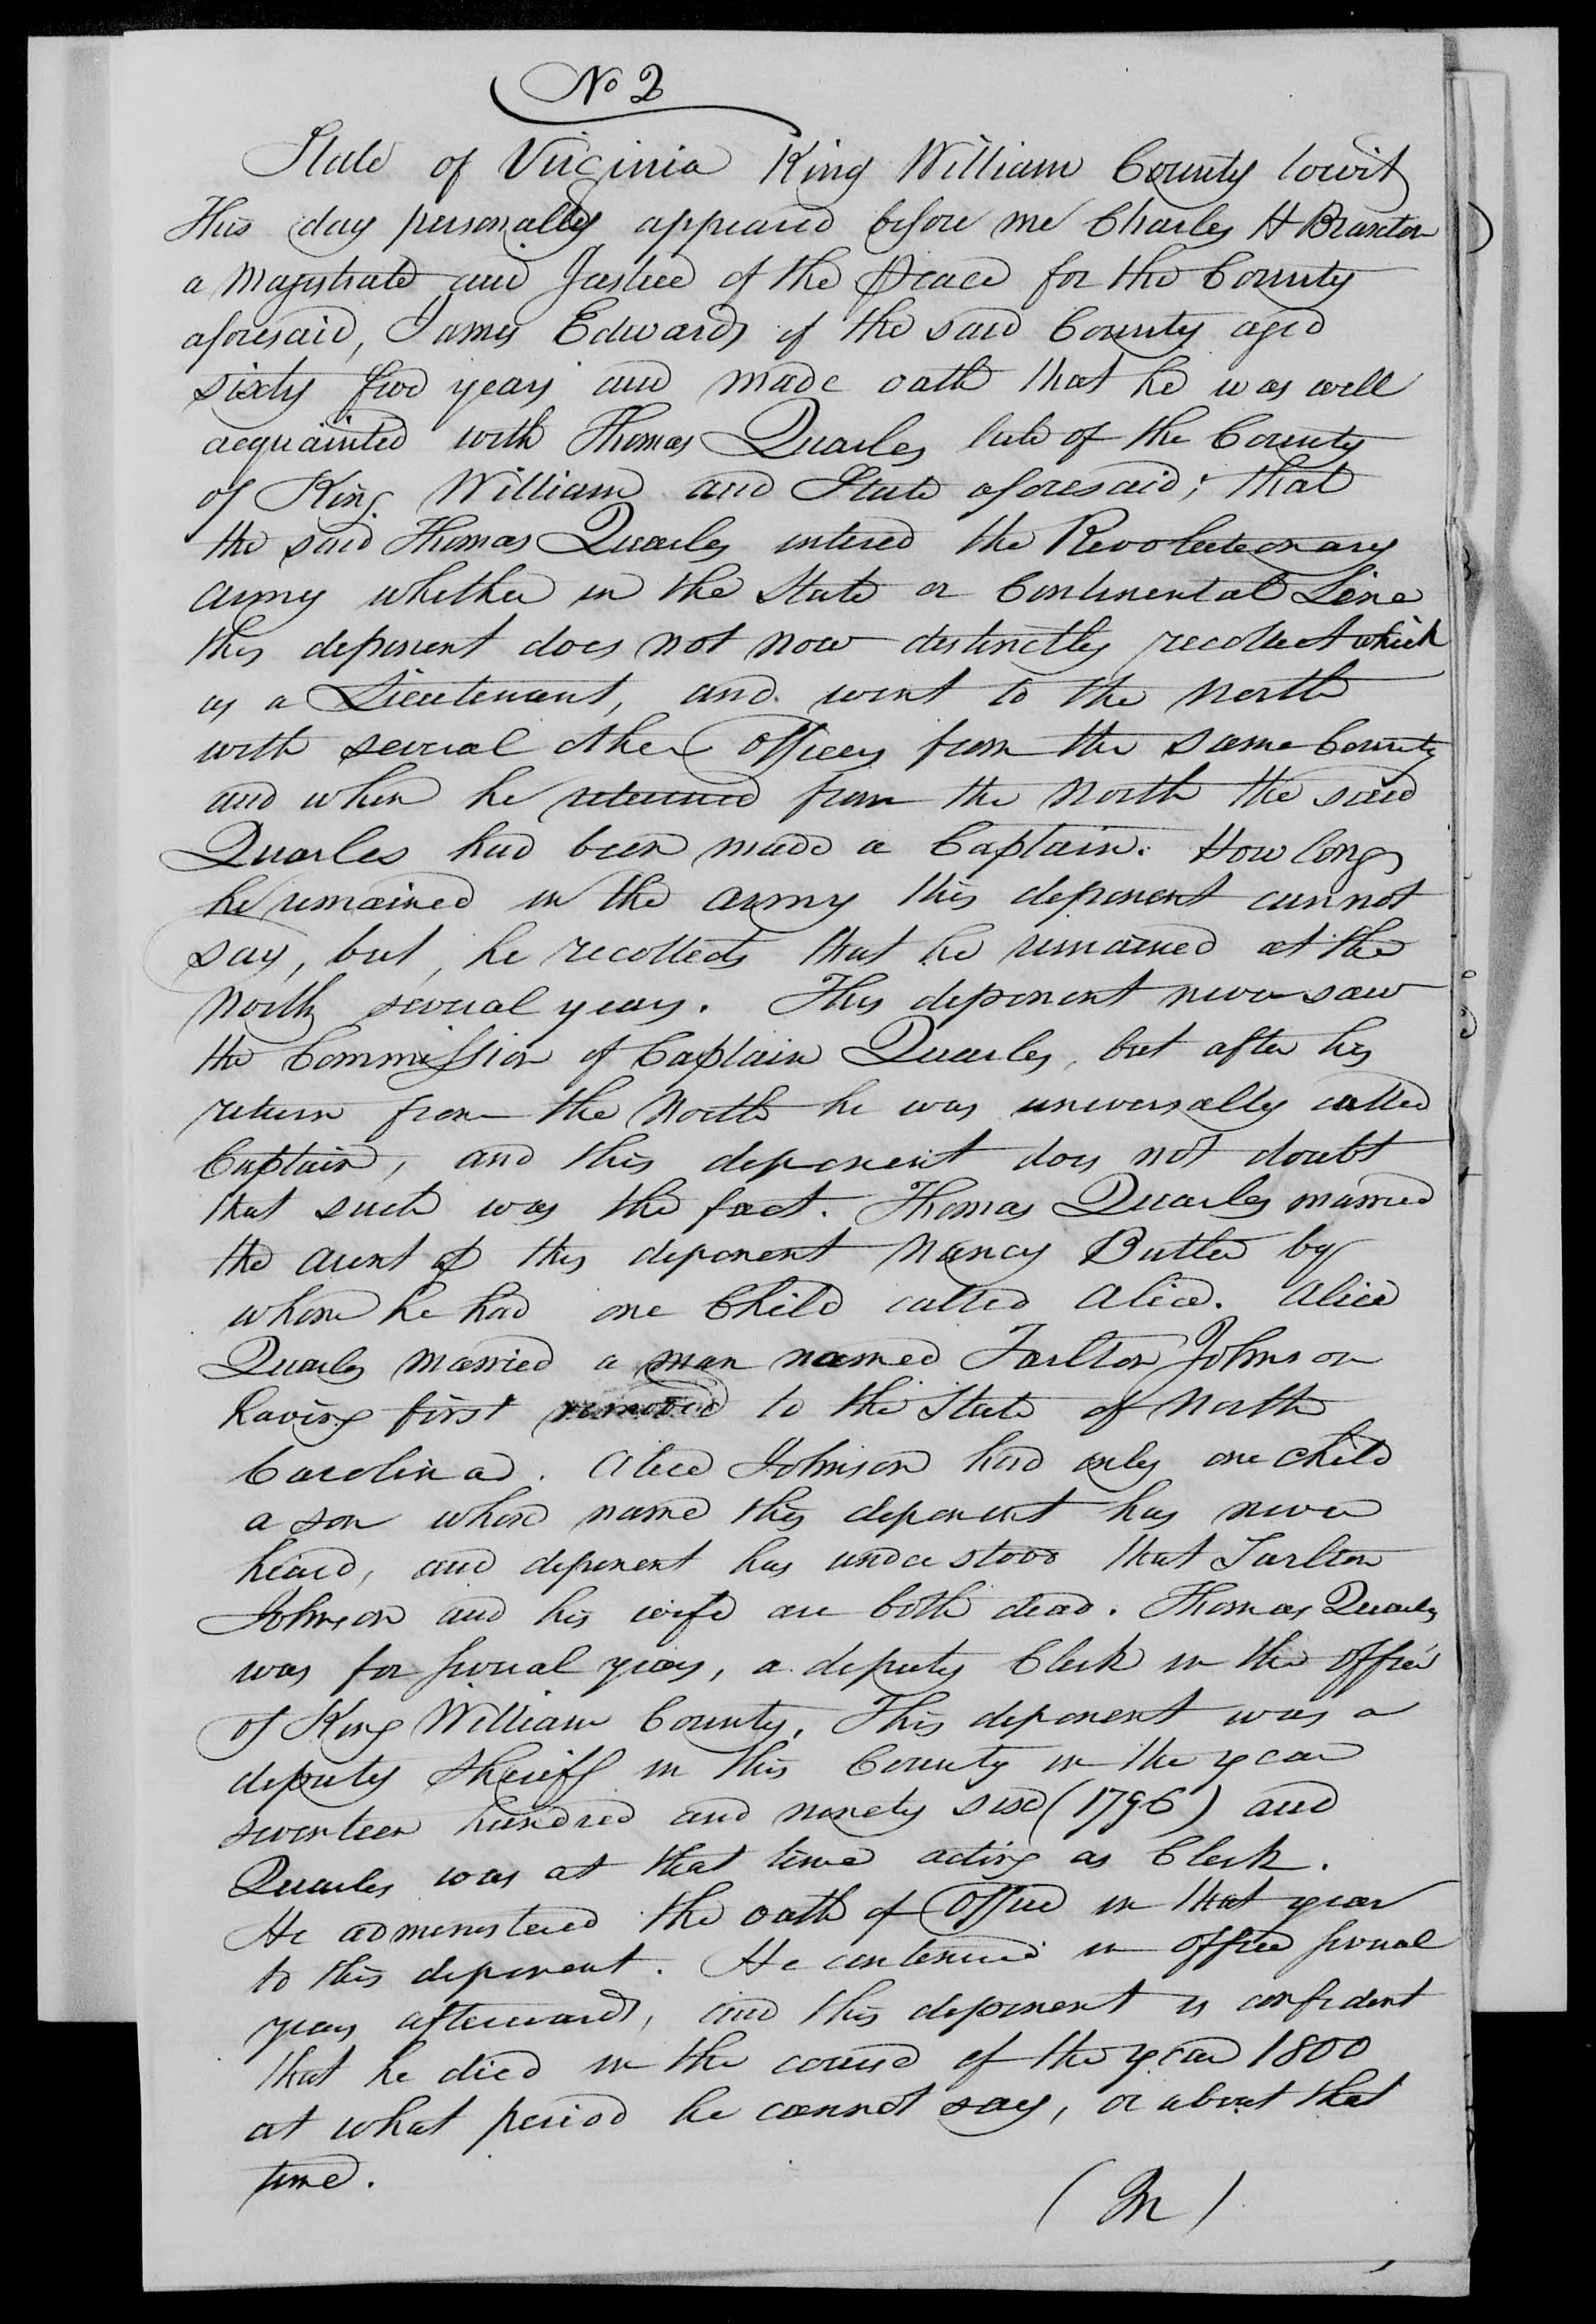No 2
State of Virginia King William County Court
This day personally appeared before me Charles H Braxton a majistrateand Justice of the peace for the county aforesaid, James Edwards of the said county aged sixty four years and made oath that he was well acquainted with Thomas Quarles [?] of the County of Kind William and state aforesaid; that the said Thomas Quarles entered the Revolutionary army whether in the state or continental line this deponent does not now distinctly recollect which as a Lieutenant, and went to the north with several other officers from the same county and when he returned from the north he said Quarles had been made a Captain. How long he remained in the army this deponent cannot say, but, he recollects that he reamined at the north several years. This deponent never saw the commission of Captain Quarles, but after his return from the north he was universally called Captain, and this deponent does not doubt that such was the fact. Thomas Quarles married the aunt of this deponent Nancy Butler by whom he had one child called Alice. Alice Quarles married a man named Jarlton Johnson having first [?] to the State of North Carolina. Alice Johnson had only one child a son whose name this deponent has never heard, and deponent has understood that Jarlton Johnson and his wife are both dead. Thomas Quarles was for several years, a deputy clerk in the office of King William County. This deponent was a deputy sheriff in this county in the year seventeen hundred and ninety six (1796) and Quarles was at that time acting as clerk. He administered the oath of of office in that year to this deponent. He [?] in office several years afterwards, and this deponent is confident that he died in the course of the year 1800 at what period he cannot say, or about that time. 
(M)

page: 7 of 22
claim: rejected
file: R. 17251, for Thomas Quarles, Virginia